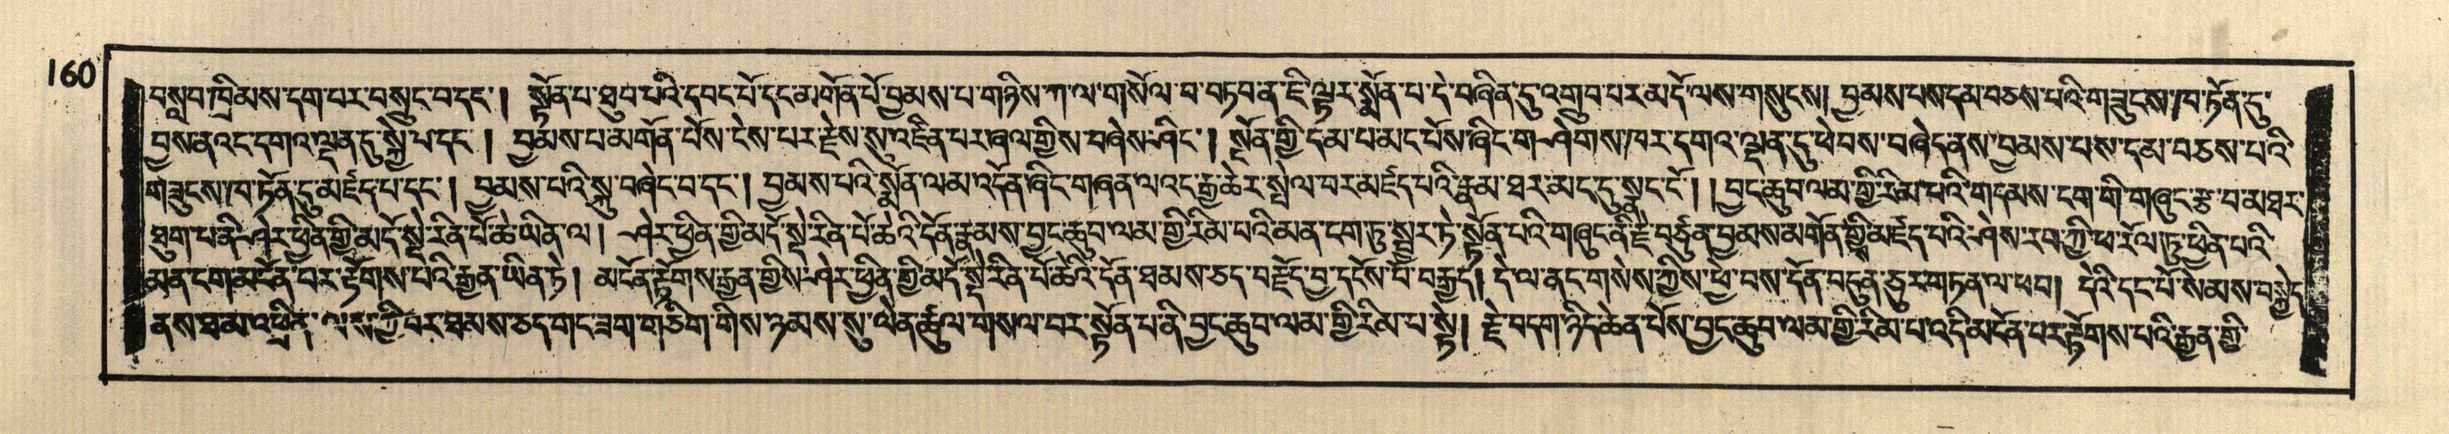བསླབ་ཁྲིམས་དག་པར་བསྲུང་བ་དང་། སྟོན་པ་ཐུབ་པའི་དབང་པོ་དང་མགོན་པོ་བྱམས་པ་གཉིས་ཀ་ལ་གསོལ་བ་བཏབ་ན་ཇི་ལྟར་སྨོན་པ་དེ་བཞིན་དུ་འགྲུབ་པར་མདོ་ལས་གསུངས། བྱམས་པས་དམ་བཅས་པའི་གཟུངས་ཁ་ཏོན་དུ་
བྱས་ནའང་དགའ་ལྡན་དུ་སྐྱེ་པ་དང་། བྱམས་པ་མགོན་པོས་ངེས་པར་རྗེས་སུ་འཛིན་པར་ཞལ་གྱིས་བཞེས་ཤིང་། སྔོན་གྱི་དམ་པ་མང་པོས་ཞིང་གཤེགས་ཁར་དགའ་ལྡན་དུ་ཕེབས་བཞེད་ནས་བྱམས་པས་དམ་བཅས་པའི་
གཟུངས་ཁ་ཏོན་དུ་མཛད་པ་དང་། བྱམས་པའི་སྐུ་བཞེང་བ་དང་། བྱམས་པའི་སྨོན་ལམ་འདོན་ཞིང་གཞན་ལའང་རྒྱ་ཆེར་སྤེལ་བར་མཛད་པའི་རྣམ་ཐར་མང་དུ་སྣང་ངོ། །བྱང་ཆུབ་ལམ་གྱི་རིམ་པའི་གདམས་ངག་གི་གཞུང་རྩ་བ་མཐར་
ཐུག་པ་ནི་ཤེར་ཕྱིན་གྱི་མདོ་སྡེ་རིན་པོ་ཆེ་ཡིན་ལ། ཤེར་ཕྱིན་གྱི་མདོ་སྡེ་རིན་པོ་ཆེའི་དོན་རྣམས་བྱང་ཆུབ་ལམ་གྱི་རིམ་པའི་མན་ངག་ཏུ་སྦྱར་ཏེ་སྟོན་པའི་གཞུང་ནི་རྗེ་བཙུན་བྱམས་མགོན་གྱིས་མཛད་པའི་ཤེས་རབ་ཀྱི་ཕ་རོལ་ཏུ་ཕྱིན་པའི་
མན་ངག་མངོན་པར་རྟོགས་པའི་རྒྱན་ཡིན་ཏེ། མངོན་རྟོགས་རྒྱན་གྱིས་ཤེར་ཕྱིན་གྱི་མདོ་སྡེ་རིན་པོ་ཆེའི་དོན་ཐམས་ཅད་བརྗོད་བྱ་དངོས་པོ་བརྒྱད། དེ་ལ་ནང་གསེས་ཀྱིས་ཕྱེ་བས་དོན་བདུན་ཅུར་གཏན་ལ་ཕབ། དེའི་དང་པོ་སེམས་བསྐྱེད་
ནས་ཐ་མ་འཕྲིན་ལས་ཀྱི་བར་ཐམས་ཅད་གང་ཟག་གཅིག་གིས་ཉམས་སུ་ལེན་ཚུལ་གསལ་བར་སྟོན་པ་ནི་བྱང་ཆུབ་ལམ་གྱི་རིམ་པ་སྟེ། རྗེ་བདག་ཉིད་ཆེན་པོས་བྱང་ཆུབ་ལམ་གྱི་རིམ་པ་འདི་མངོན་པར་རྟོགས་པའི་རྒྱན་གྱི་